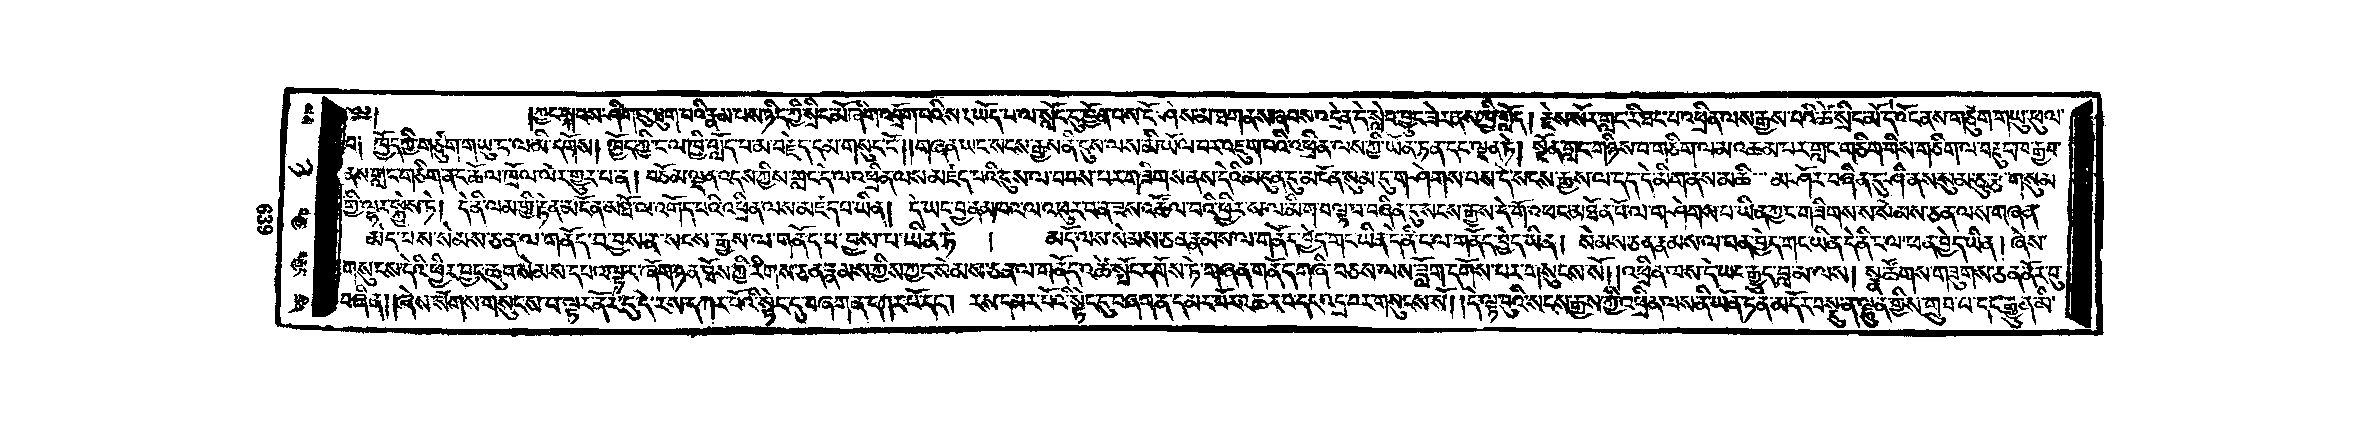༄༅། །ཀྱང་སྐབས་ཤིག་ངུ་ཐུག་པའི་རྣམ་པས་ཉིད་ཀྱི་སྲིང་མོ་ཞིག་འབྲོག་པའི་སར་ཡོད་པ་ལ་སློང་དུ་བྱོན་པས་ངོ་ཤེས་མ་ཐག་ནས་ཞབས་འདྲེན་དེ་སླེབ་བྱུང་ཟེར་ནས་ཁྱི་གློད། རྗེས་སོར་གླང་རི་ཐང་པ་འཕྲིན་ལས་རྒྱས་པའི་ཚེ་སྲིང་མོ་དེ་འོང་ནས་གཙུག་གཡུ་ཕུལ་
བ། ཁྱོད་ཀྱི་གཙུག་གཡུ་ང་ལ་མི་དགོས། ཁྱོད་ཀྱི་ང་ལ་ཁྱི་གློད་པ་མ་བརྗེད་དམ་གསུང་ངོ། །གཞན་ཡང་སངས་རྒྱས་ནི་དུས་ལས་མི་ཡོལ་བར་འཇུག་པའི་འཕྲིན་ལས་ཀྱི་ཡོན་ཏན་དང་ལྡན་ཏེ། སྔོན་གླང་གཉིས་པ་གཅིག་ལམ་འཆམ་པར་གླང་གཅིག་གིས་གཅིག་ལ་བརྡུང་ཁ་རྒྱབ་
ནས་གླང་གཅིག་ནང་ཆོལ་ཁྲོལ་ལེར་གྱུར་པ་ན། བཅོམ་ལྡན་འདས་ཀྱིས་གླང་དེ་ལ་འཕྲིན་ལས་མཛད་པའི་དུས་ལ་བབས་པར་གཟིགས་ནས་དེའི་མདུན་དུ་མངོན་སུམ་དུ་གཤེགས་པས་དེ་སངས་རྒྱས་ལ་དད་དེ་མིག་ནས་མཆི་མ་ཤོར་བཞིན་དུ་ཤི་ནས་སུམ་ཅུ་རྩ་གསུམ་
གྱི་ལྷར་སྐྱེས་ཏེ། དེ་ནི་ལམ་གྱི་རྟེན་མངོན་མཐོ་ལ་འགོད་པའི་འཕྲིན་ལས་མཛད་པ་ཡིན། དེ་ཡང་བྱ་ནམ་མཁའ་ལ་འཕུར་བ་ན་ཟས་འཚོལ་བའི་ཕྱིར་ས་ལ་མིག་བལྟ་བ་བཞིན་དུ་སངས་རྒྱས་དེ་གོ་འཕང་མཐོན་པོ་ལ་གཤེགས་པ་ཡིན་ཀྱང་གཟིགས་ས་སེམས་ཅན་ལས་གཞན་
མེད་པས་སེམས་ཅན་ལ་གནོད་པ་བྱས་ན་སྔས་རྒྱས་ལ་གནོད་པ་བྱས་པ་ཡིན་ཏེ། མདོ་ལས་སེམས་ཅན་རྣམས་ལ་གནོད་བྱེད་གང་ཡིན་དེ་ནི་ང་ལ་གནོད་བྱེད་ཡིན། སེམས་ཅན་རྣམས་ལ་ཕན་བྱེད་གང་ཡིན་དེ་ནི་ང་ལ་ཕན་བྱེད་ཡིན། ཞེས་
གསུངས་དེའི་ཕྱིར་བྱང་ཆུབ་སེམས་དཔའ་ལྟར་ཞོག་ཉན་ཐོས་ཀྱི་རིགས་ཅན་རྣམས་ཀྱིས་ཀྱང་སེམས་ཅན་ལ་གནོད་འཚེ་སྤོང་དགོས་ཏེ་གཞན་གནོད་གཞི་བཅས་ལས་ཟློག་དགོས་པར་གསུངས་སོ། །འཕྲིན་ལས་དེ་ཡང་རྒྱུད་བླ་མ་ལས། སྣ་ཚོགས་གཟུགས་ཅན་ནོར་བུ་
བཞིན། །ཞེས་སོགས་གསུངས་པ་ལྟར་ནོར་བུ་དེ་རས་དཀར་པོའི་སྟེང་དུ་བཞག་ན་དཀར་པོ་དང་། རས་དམར་པོའི་སྟེང་དུ་བཞག་ན་དམར་པོར་འཆར་བ་དང་འདྲ་བར་གསུངས་སོ། །དེ་ལྟ་བུའི་སངས་རྒྱས་ཀྱི་འཕྲིན་ལས་ནི་ཡོན་ཏན་མདོར་བསྡུ་ན་ལྷུན་གྱིས་གྲུབ་པ་དང་རྒྱུན་མི་